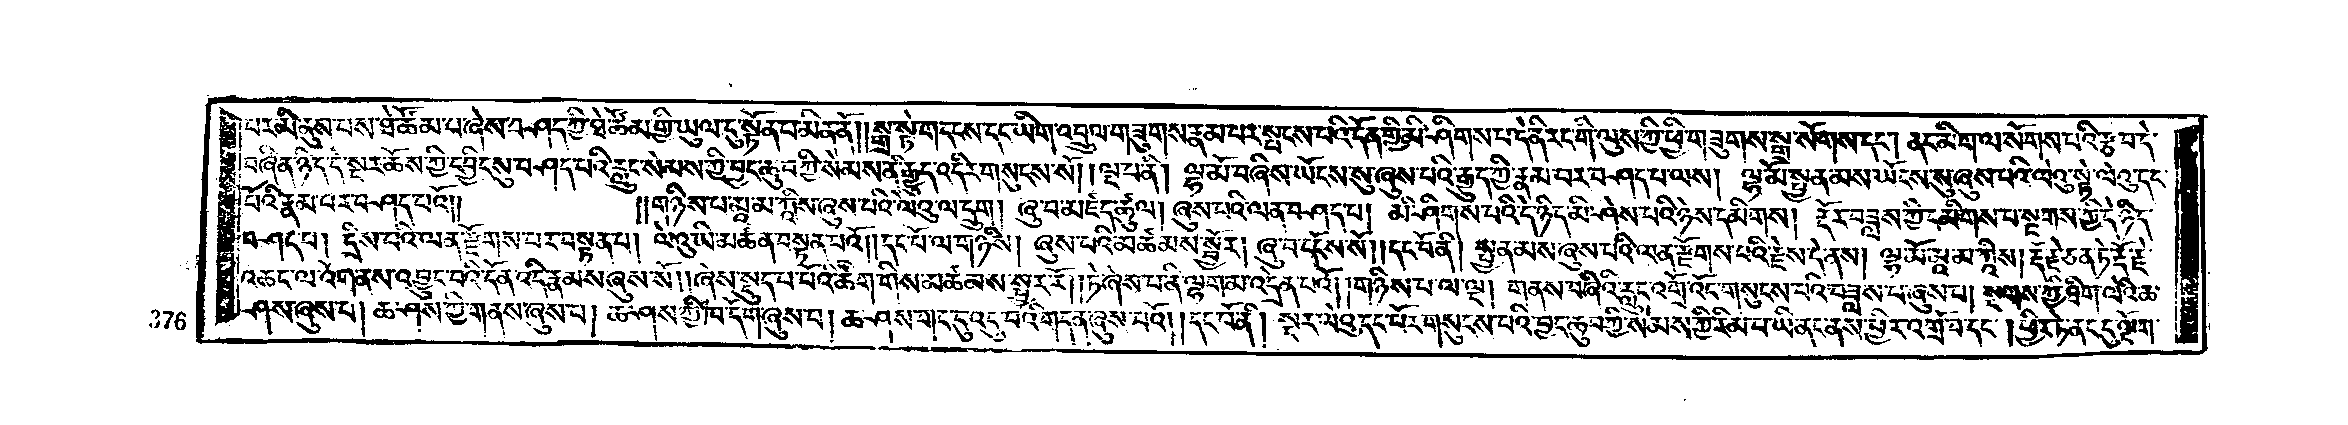པར་མི་ནུས་པས་ཐེ་ཚོམ་པ་ཞེས་བཤད་ཀྱི་ཐེ་ཚོམ་གྱི་ཡུལ་དུ་སྟོན་པ་མིན་ནོ། །སྒྲ་སྟེ་གདངས་དང་ཡིག་འབྲུལ་གཟུགས་རྣམ་པར་སྤངས་པའི་དོན་གྱི་མི་ཤིགས་པ་དེ་ནི་རང་གི་ལུས་ཀྱི་ཕྱི་གཟུགས་སྒྲ་སོགས་དང་། ནང་མིག་ལ་སོགས་པའི་རྩ་བ་དེ་
བཞིན་ཉིད་དེ་སྔར་ཆོས་ཀྱི་དབྱིངས་སུ་བཤད་པའི་རླུང་སེམས་ཀྱི་བྱང་ཆུབ་ཀྱི་སེམས་ནི་རྒྱུད་འདིར་གསུངས་སོ། །ལྔ་པ་ནི། ལྷ་མོ་བཞིས་ཡོངས་སུ་ཞུས་པའི་རྒྱུད་ཀྱི་རྣམ་པར་བཤད་པ་ལས། ལྷ་མོ་སྤྱན་མས་ཡོངས་སུ་ཞུས་པའི་ལེའུ་སྟེ་ལེའུ་དང་
པོའི་རྣམ་པར་བཤད་པའོ།། །།གཉིས་པ་མཱ་མ་ཀཱིས་ཞུས་པའི་ལེའུ་ལ་དྲུག །ཞུ་བ་མཛད་ཚུལ། ཞུས་པའི་ལན་བཤད་པ། མི་ཤིགས་པའི་དེ་ཉིད་མི་ཤེས་པའི་ཉེས་དམིགས། རྡོར་བཟླས་ཀྱི་དམིགས་པ་སྔགས་ཀྱི་དེ་ཉིད་
བཤད་པ། དྲིས་པའི་ལན་རྫོགས་པར་བསྟན་པ། ལེའུ་ཡི་མཚན་བསྟན་པའོ། །དང་པོ་ལ་གཉིས། ཞུས་པའི་མཚམས་སྦྱོར། ཞུ་བ་དངོས་སོ། །དང་པོ་ནི། སྤྱན་མས་ཞུས་པའི་ལན་རྫོགས་པའི་རྗེས་དེ་ནས། ལྷ་མོ་མཱ་མ་ཀཱིས། རྡོ་རྗེ་ཅན་ཏེ་རྡོ་རྗེ་
འཆང་ལ་འོག་ནས་འབྱུང་བའི་དོན་འདི་རྣམས་ཞུས་སོ། །ཞེས་སྡུད་པ་པོའི་ཚིག་གིས་མཚམས་སྦྱར་རོ། །ཏེ་ཞེས་པ་ནི་ལྷག་མ་འདྲེན་པའོ། །གཉིས་པ་ལ་ལྔ། གནས་བཞིའི་རླུང་འགྲོ་འོང་གསུངས་པའི་བཟླས་པ་ཞུས་པ། སྔགས་ཀྱི་ཐིག་ལེའི་ཆ་
ཤས་ཞུས་པ། ཆ་ཤས་ཀྱི་གནས་ཞུས་པ། ཆ་ཤས་ཀྱི་ཁ་དོག་ཞུས་པ། ཆ་ཤས་གང་དུ་འདུ་བའི་གདན་ཞུས་པའོ། །དང་པོ་ནི། སྔར་ལེའུ་དང་པོར་གསུངས་པའི་བྱང་ཆུབ་ཀྱི་སེམས་ཀྱི་རིམ་པ་ཡི་ནང་ནས་ཕྱིར་འགྲོ་བ་དང་། ཕྱིར་ཏེ་ནང་དུ་ལྡོག་